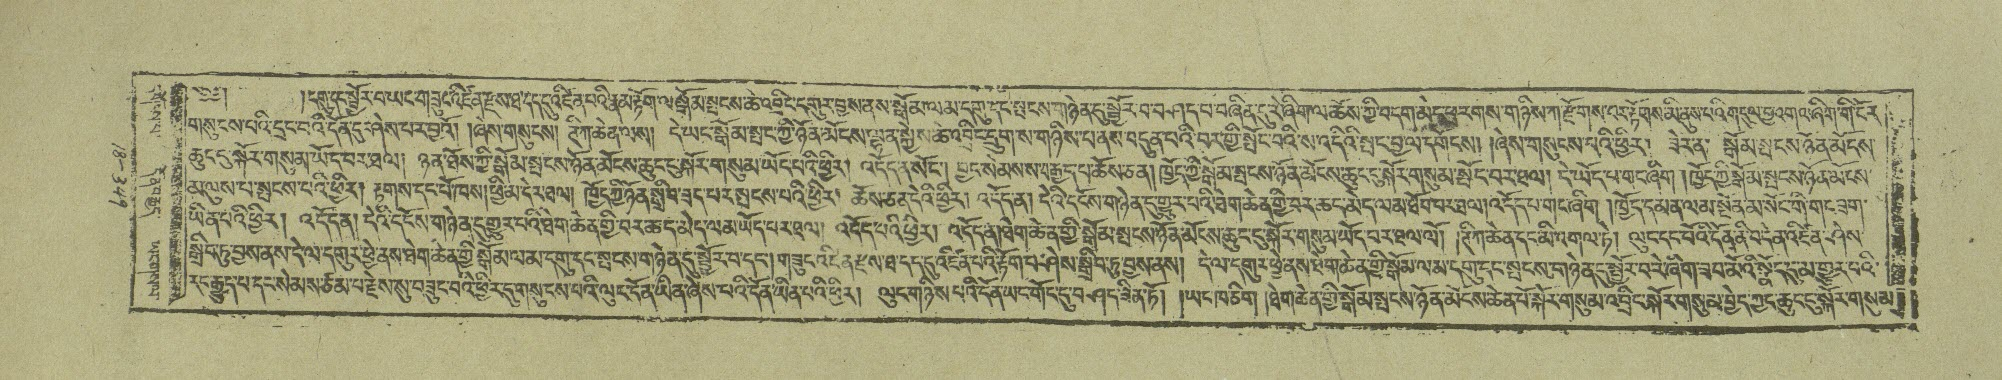༄༅། །དགུ་དང་སྦྱོར་བ་ཡང་གཟུང་འཛིན་རྫས་ཐ་དད་དུ་འཛིན་པའི་རྣམ་རྟོག་ལ་སྒོམ་སྤངས་ཆེ་འབྲིང་དགུར་བྱས་ནས་སྒོམ་ལམ་དགུ་དང་སྤངས་གཉེན་དུ་སྦྱོར་བ་བཤད་པ་བཞིན་དུ་རེ་ཞིག་ལ་ཆོས་ཀྱི་བདག་མེད་ཕྲ་རགས་གཉིས་ཀ་རྫོགས་པར་རྟོགས་མི་ནུས་པའི་གདུལ་བྱ་འགའ་ཞིག་གི་ངོར་
གསུངས་པའི་དྲང་བའི་དོན་དུ་ཤེས་པར་བྱའོ། །ཞེས་གསུངས། ཊིཀ་ཆེན་ལས། དེ་ཡང་སྒོམ་སྤང་ཀྱི་ཉོན་མོངས་ལྷན་སྐྱེས་ཆེ་འབྲིང་དྲུག་ས་གཉིས་པ་ནས་བདུན་པའི་བར་གྱི་སྤོང་བའི་ས་འདིའི་སྤང་བྱ་ལ་དགོངས། །ཞེས་གསུངས་པའི་ཕྱིར། ཟེར་ན། སྒོམ་སྤངས་ཉོན་མོངས་
ཆུང་ངུ་སྐོར་གསུམ་ཡོད་པར་ཐལ། ཉན་ཐོས་ཀྱི་སྒོམ་སྤངས་ཉོན་མོངས་ཆུང་ངུ་སྐོར་གསུམ་ཡོད་པའི་ཕྱིར། འདོད་ན་སོང་། བྱང་སེམས་ས་བརྒྱད་པ་ཆོས་ཅན། ཁྱོད་ཀྱི་སྒོམ་སྤངས་ཉོན་མོངས་ཆུང་ངུ་སྐོར་གསུམ་སྤོང་བར་ཐལ། དེ་ཡོད་པ་གང་ཞིག །ཁྱོད་ཀྱི་སྒོམ་སྤངས་ཉོན་མོངས་
མ་ལུས་པ་སྤངས་པའི་ཕྱིར། རྟགས་དང་པོ་ཁས། ཕྱི་མ་དེར་ཐལ། ཁྱོད་ཀྱི་ཉོན་སྒྲིབ་ཟད་པར་སྤངས་པའི་ཕྱིར། ཆོས་ཅན་དེའི་ཕྱིར། འདོད་ན། དེའི་དངོས་གཉེན་དུ་གྱུར་པའི་ཐེག་ཆེན་གྱི་བར་ཆད་མེད་ལམ་ཐོབ་པར་ཐལ། འདོད་པ་གང་ཞིག །ཁྱོད་དམན་ལམ་སྔོན་མ་སོང་གི་གང་ཟག་
ཡིན་པའི་ཕྱིར། འདོད་ན། དེའི་དངོས་གཉེན་དུ་གྱུར་པའི་ཐེག་ཆེན་གྱི་བར་ཆད་མེད་ལམ་ཡོད་པར་ཐལ། འདོད་པའི་ཕྱིར། འདོད་ན། ཐེག་ཆེན་གྱི་སྒོམ་སྤངས་ཉོན་མོངས་ཆུང་ངུ་སྐོར་གསུམ་ཡོད་པར་ཐལ་ལོ། །ཊིཀ་ཆེན་དང་མི་འགལ་ཏེ། ལུང་དང་པོའི་དོན་ནི་བདེན་འཛིན་ཤེས་
སྒྲིབ་ཏུ་བྱས་ནས་དེ་ལ་དགུར་ཕྱེ་ནས་ཐེག་ཆེན་གྱི་སྒོམ་ལམ་དགུ་དང་སྤངས་གཉེན་དུ་སྦྱོར་བ་དང་། གཟུང་འཛིན་རྫས་ཐ་དད་དུ་འཛིན་པའི་རྟོག་པ་ཤེས་སྒྲིབ་ཏུ་བྱས་ནས། དེ་ལ་དགུར་ཕྱེ་ནས་ཐེག་ཆེན་གྱི་སྒོམ་ལམ་དགུ་དང་སྤངས་གཉེན་དུ་སྦྱོར་བ་རེ་ཞིག་ཟབ་མོའི་སྣོད་དུ་མ་གྱུར་པའི་
རང་རྒྱུད་པ་དང་སེམས་ཙམ་པ་རྗེས་སུ་བཟུང་བའི་ཕྱིར་དུ་གསུངས་པའི་ལུང་དོན་ཡིན་ཞེས་པའི་དོན་ཡིན་པའི་ཕྱིར། ལུང་གཉིས་པའི་དོན་ཡང་གོང་དུ་བཤད་ཟིན་ཏོ། །ཡང་ཁ་ཅིག །ཐེག་ཆེན་གྱི་སྒོམ་སྤངས་ཉོན་མོངས་ཆེན་པོ་སྐོར་གསུམ་འབྲིང་སྐོར་གསུམ་བྱེད་ཀྱང་ཆུང་ངུ་སྐོར་གསུམ་